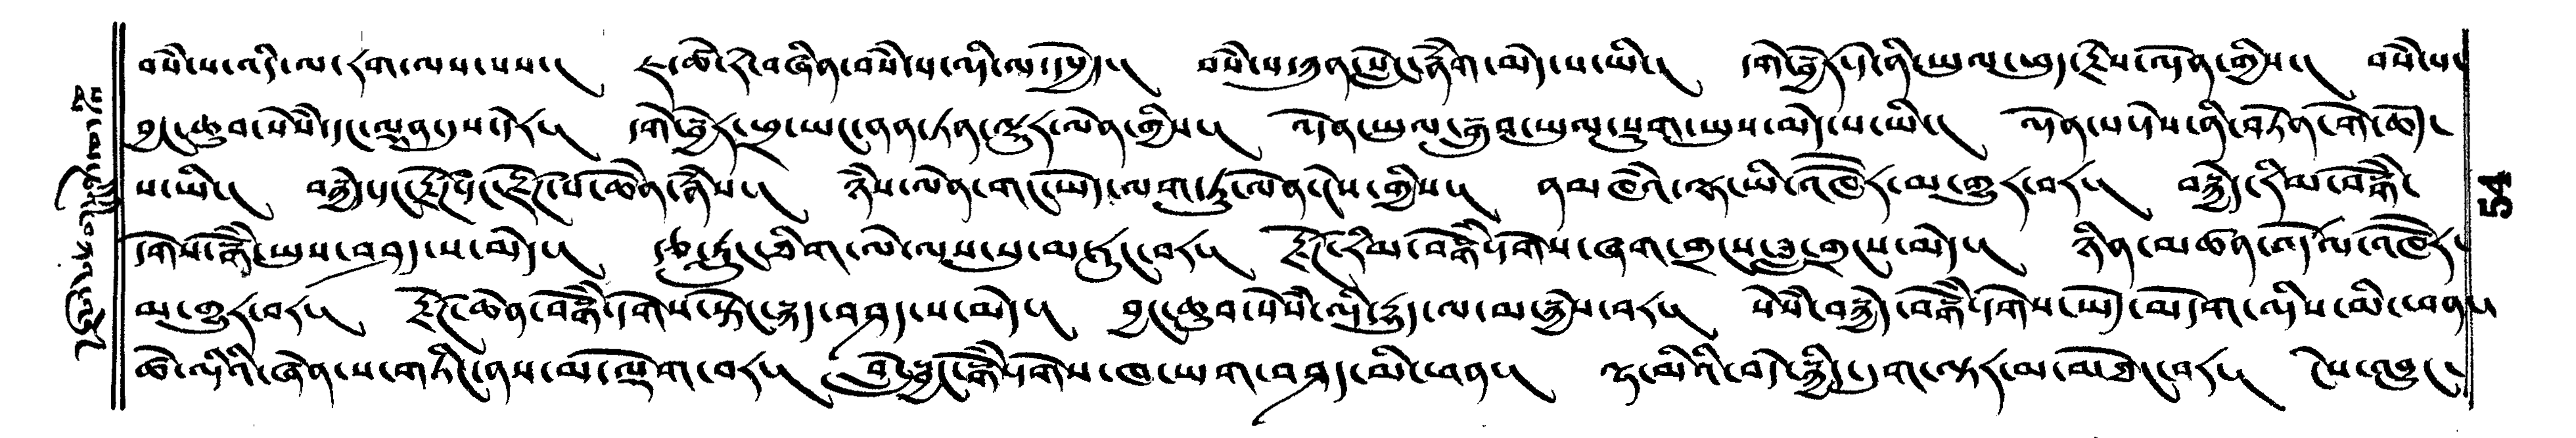བསམ་པ་འདི་ལ་རག་ལས་པས། །ཇ་ཚེ་རེ་བཞིན་བསམ་པ་འདི་ལ་དཔྱོད། །བསམ་པ་ཀུན་སློང་རྣམ་དག་མེད་པ་ཡི། །དགེ་སྦྱོར་དེ་ནི་ཡུལ་ཕུད་རྗེས་འདོན་གྱིས། །བསམ་པ་
བྱང་ཆུབ་སེམས་དང་ལྡན་དུས་དེར། །དགེ་སྦྱོར་ཕྲ་ཡང་ནན་ཏན་ལྷུར་ལེན་གྱིས། །འདོན་ཡུས་སྒྲུབ་ཡུས་སྡུག་ཡུས་མེད་པ་ཡི། །འདོན་པ་དེས་ནི་བཏོན་གོ་ཆོད་
པ་ཡིན། །བསྐྱེད་དང་རྫོགས་དང་རྫོགས་པ་ཆེན་པོ་རྣམས། །ཉམས་ལེན་གང་ཡོད་ལག་ཏུ་ལོན་ངེས་གྱིས། །ནམ་མཁའ་ལྷ་ཡི་འཁོར་ལོར་མ་གྱུར་བར། །བསྐྱེད་རིམ་བསྒོམ་
དགོས་སྒོམ་ཡུས་བཤད་ས་མེད། །རྩ་རླུང་ཐིག་ལེ་ལས་སུ་མ་རུང་བར། །རྫོགས་རིམ་བསྒོམ་དགོས་ཞག་གྲངས་ཟླ་གྲངས་མེད། །ཉིན་མཚན་འོད་གསལ་འཁོར་ལོར་
མ་གྱུར་བར། །རྫོགས་ཆེན་སྒོམ་དགོས་སྟོང་སྐད་བཤད་ས་མེད། །བྱང་ཆུབ་སེམས་འདི་རྒྱུད་ལ་མ་སྐྱེས་བར། །སེམས་བསྐྱེད་བསྒོམ་དགོས་ཡོད་མདོག་འདིས་མི་ཕན། །
ཚེ་འདིར་ཞེན་པ་གཏིང་ནས་མ་ལྡོག་བར། །བློ་སྦྱོང་སྒོམ་དགོས་ཁ་ཡག་བཤད་མི་ཕན། །ལྷ་མིའི་བདེ་སྐྱིད་དུག་ལྟར་མ་མཐོང་བར། །ངེས་འབྱུང་